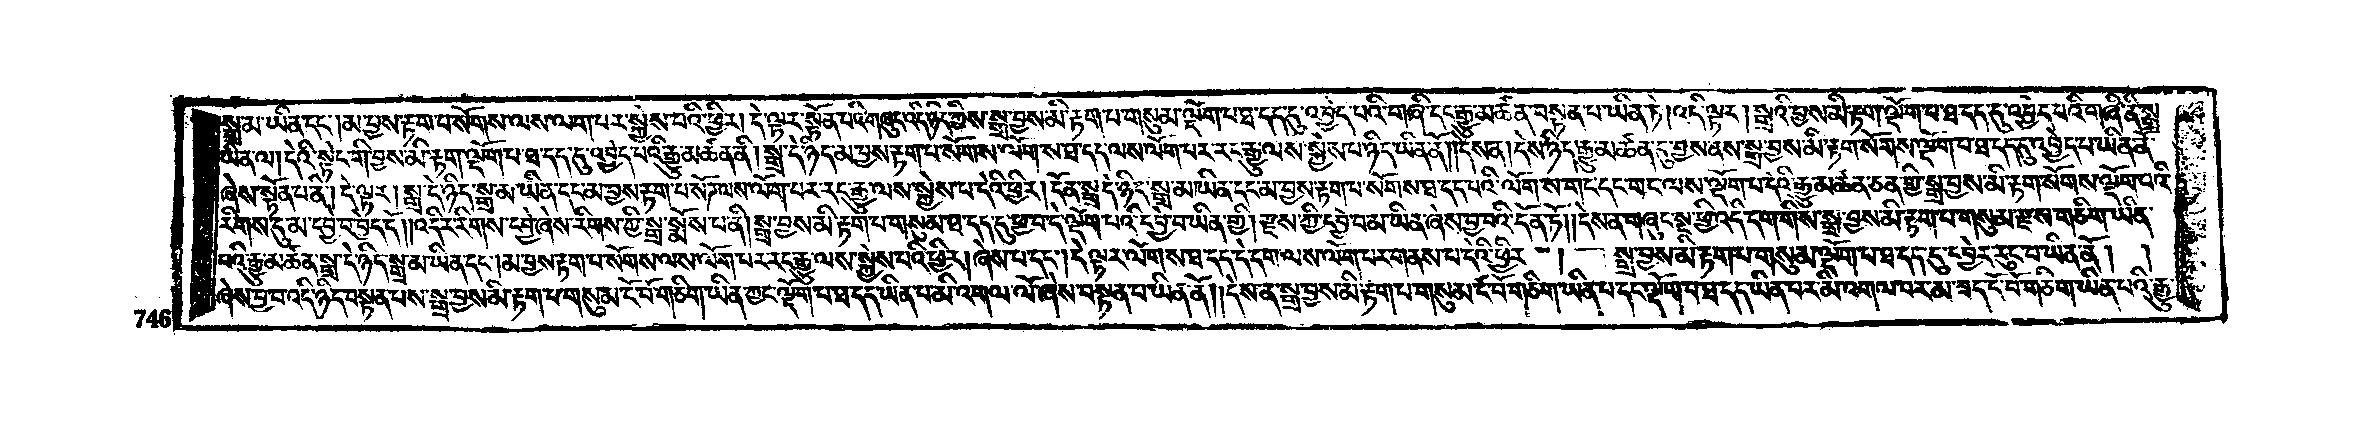སྒྲ་མ་ཡིན་དང་། མ་བྱས་རྟག་པ་སོགས་ལས་ལག་པར་སྐྱེས་པའི་ཕྱིར། དེ་ལྟར་སྟོན་པའི་གཞུང་འདི་ཉིད་ཀྱིས་སྒྲ་བྱས་མི་རྟག་པ་གསུམ་ལྡོག་པ་ཐ་དད་དུ་འབྱེད་པའི་གཞི་དང་རྒྱུ་མཚན་བསྟན་པ་ཡིན་ཏེ། འདི་ལྟར། སྒྲའི་བྱས་མི་རྟག་ལྡོག་པ་ཐ་དད་དུ་འབྱེད་པའི་གཞི་ནི་སྒྲ་
ཡིན་ལ། དེའི་སྟེང་གི་བྱས་མི་རྟག་ལྡོག་པ་ཐ་དད་དུ་འབྱེད་པའི་རྒྱུ་མཚན་ནི། སྒྲ་དེ་ཉིད་མ་བྱས་རྟག་པ་སོགས་ལོག་ས་ཐ་དད་ལས་ལོག་པར་རང་རྒྱུ་ལས་སྐྱེས་པ་ཉིད་ཡིན་ནོ། །དེས་ན། དེས་ཉིད་རྒྱུ་མཚན་དུ་བྱས་ནས་སྒྲ་བྱས་མི་རྟག་སོགས་ལྡོག་པ་ཐ་དད་དུ་འབྱེད་པ་ཡིན་ནོ་
ཞེས་སྟོན་པ་ནི། དེ་ལྟར། སྒྲ་དེ་ཉིད་སྒྲ་མ་ཡིན་དང་མ་བྱས་རྟག་པ་སོགས་ལས་ལོག་པར་རང་རྒྱུ་ལས་སྐྱེས་པ་དེའི་ཕྱིར། དོན་སྒྲ་དེ་ཉིད་སྒྲ་མ་ཡིན་དང་མ་བྱས་རྟག་པ་སོགས་ཐ་དད་པའི་ལོག་ས་གང་དང་གང་ལས་ལྡོག་པ་དེའི་རྒྱུ་མཚན་ཅན་གྱི་སྒྲ་བྱས་མི་རྟག་སོགས་ལྡོག་པའི་
རིགས་དུ་མ་དབྱེ་བ་བྱེད་དོ། །འདིར་རིགས་དབྱེ་ཞེས་རིགས་ཀྱི་སྒྲ་སྨོས་པ་ནི། སྒྲ་བྱས་མི་རྟག་པ་གསུམ་ཐ་དད་དུ་ཕྱེ་བ་དེ་ལྡོག་པའི་དབྱེ་བ་ཡིན་གྱི། རྫས་ཀྱི་དབྱེ་བ་མ་ཡིན་ཞེས་བྱ་བའི་དོན་ཏོ། །དེས་ན་གཞུང་སྔ་ཕྱི་འདི་དག་གིས་སྒྲ་བྱས་མི་རྟག་པ་གསུམ་རྫས་གཅིག་ཡིན་
པའི་རྒྱུ་མཚན་སྒྲ་དེ་ཉིད་སྒྲ་མ་ཡིན་དང་། མ་བྱས་རྟག་པ་སོགས་ལས་ལོག་པར་རང་རྒྱུ་ལས་སྐྱེས་པའི་ཕྱིར། ཞེས་པ་དང་། དེ་ལྟར་ལོགས་ཐ་དད་དེ་དག་ལས་ལོག་པར་གནས་པ་དེའི་ཕྱིར། སྒྲ་བྱས་མི་རྟག་པ་གསུམ་ལྡོག་པ་ཐ་དད་དུ་དབྱེར་རུང་བ་ཡིན་ནོ། །
ཞེས་བྱ་བ་འདི་ཉིད་བསྟན་པས་སྒྲ་བྱས་མི་རྟག་པ་གསུམ་ངོ་བོ་གཅིག་ཡིན་ཀྱང་ལྡོག་པ་ཐ་དད་ཡིན་པ་མི་འགལ་ལོ་ཞེས་བསྟན་པ་ཡིན་ནོ། །དེས་ན་སྒྲ་བྱས་མི་རྟག་པ་གསུམ་ངོ་བོ་གཅིག་ཡིན་པ་དང་ལྡོག་པ་ཐ་དད་ཡིན་པར་མི་འགལ་བར་མ་ཟད་ངོ་བོ་གཅིག་ཡིན་པའི་རགཡ་